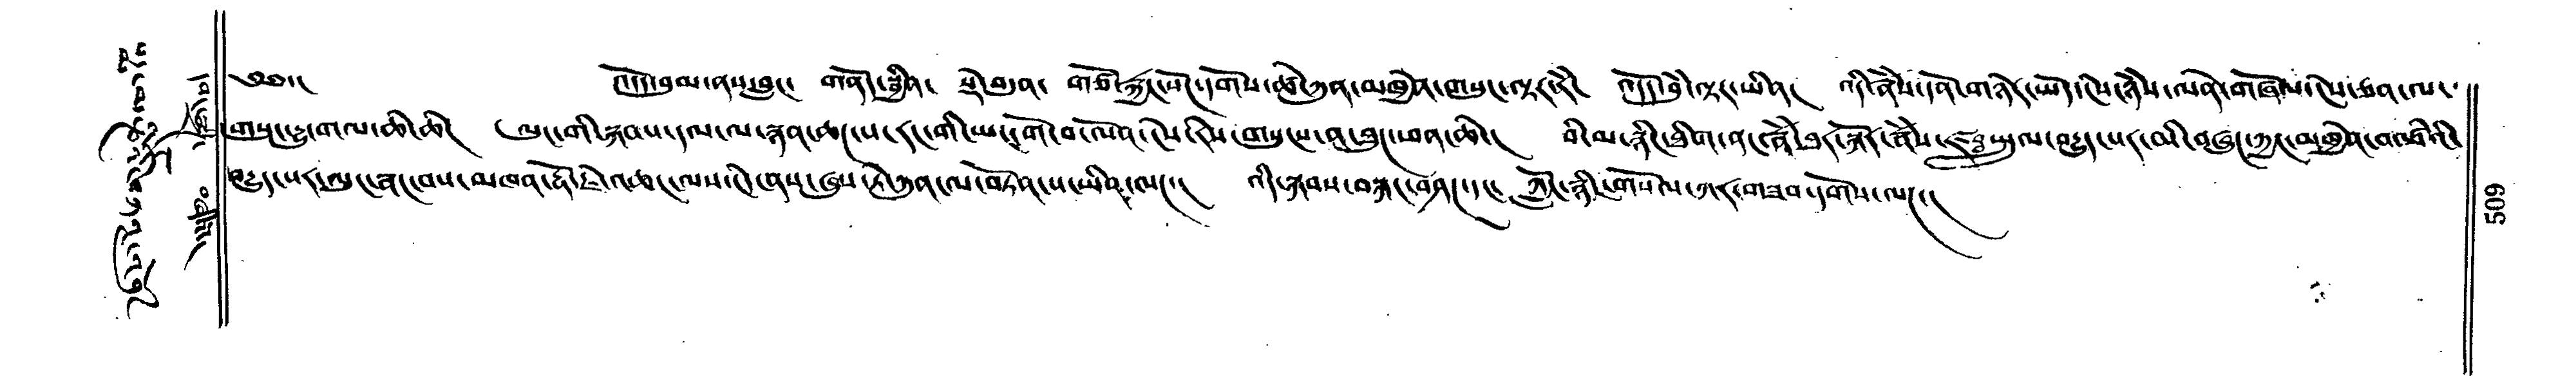འདོད་བུམ་ནས་བླང་། གནོད་སྦྱིན། སྡེ་བདུན། གཙོ་རྐྱང་སོགས་དགོས་ཚེ་ཀུན་མཁྱེན་གསུང་ལྟར་རམ། འདོད་བུམ་ལྟར་ཡིན། འདི་རྣམས་དོན་གཉེར་ཡོད་ངེས་ཉམས་ལེན་གཞོལ་ངེས་ཅན་ལ་
གསུང་རྒྱུ་གལ་ཆེ་ཆེ། ལུང་གི་སྐབས་དལ་ལ་སྙན་ཆགས་པ་རང་གི་ཡང་གོ་བ་ལོན་ངེས་རེས་གསུངས་ན་ཐུགས་ཕན་ཆེ། བི་མ་སྙིང་ཐིག་ནང་རྣམ་ཐར་སྐོར་རྣམས་ཛཿསྤྲུལ་བརྒྱུད་པར་མི་བཞུགས་ཀྱང་མཁྱེན་བརྩེའི་
བརྒྱུད་པར་ལུང་སྣང་བས་མཁན་རྡོ་རྗེ་འཆང་ལས་ངེད་ནས་ཞུས་ཏེ་ཀུན་ལ་བཏོན་པ་ཡིན་ལགས། འདི་སྐབས་བསྐང་བཤགས་དང་། ཀློང་སྙིང་གསོལ་ཀར་གཟབ་དགོས་ལགས།། དགེའོ།།